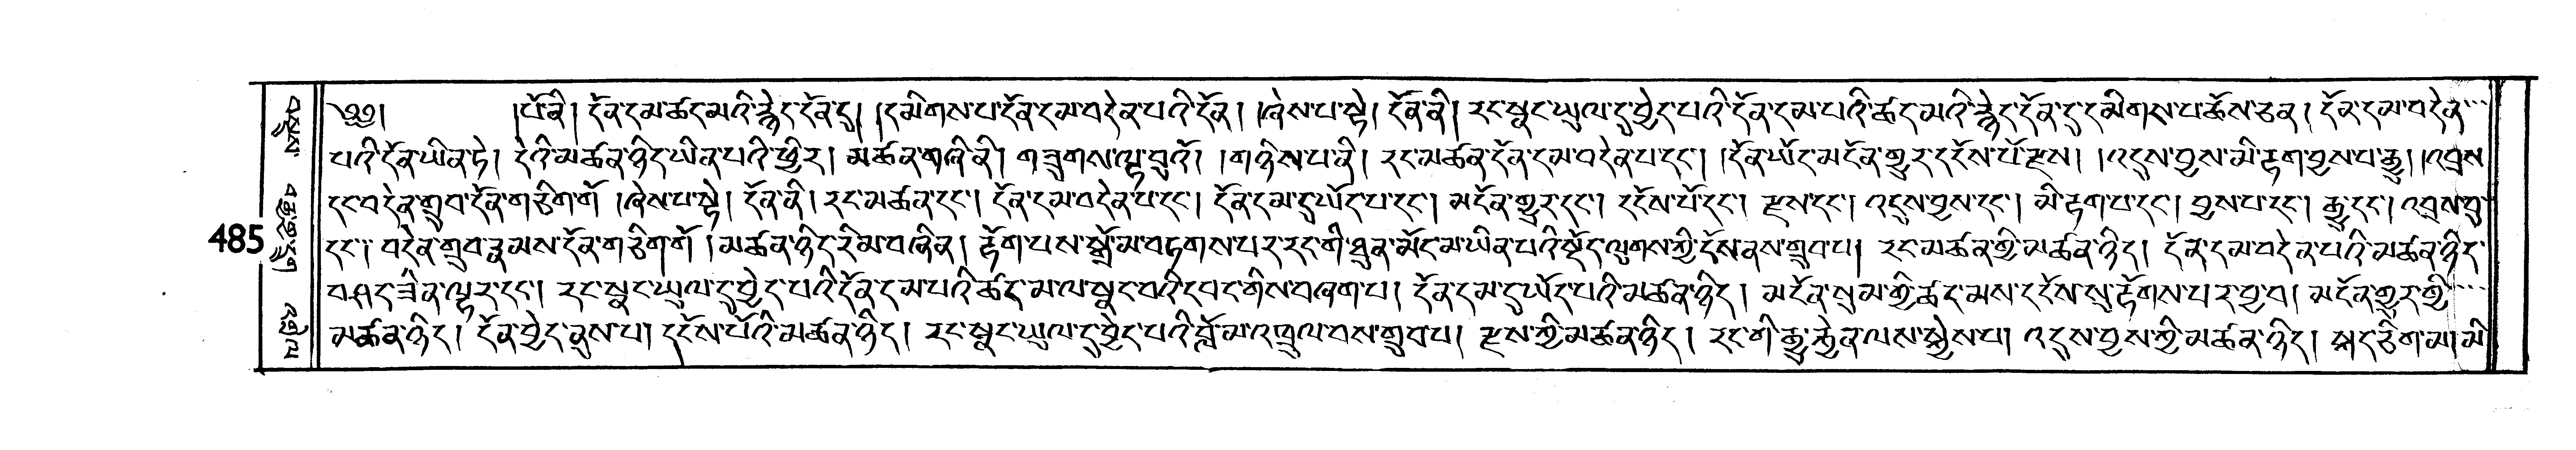༄༅། །པོ་ནི། དོན་དམ་ཚད་མའི་རྙེད་དོན་དུ། །དམིགས་པ་དོན་དམ་བདེན་པའི་དོན། །ཞེས་པ་སྟེ། དོན་ནི། རང་སྣང་ཡུལ་དུ་བྱེད་པའི་དོན་དམ་པའི་ཚད་མའི་རྙེད་དོན་དུ་དམིགས་པ་ཆོས་ཅན། དོན་དམ་བདེན་
པའི་དོན་ཡིན་ཏེ། དེའི་མཚན་ཉིད་ཡིན་པའི་ཕྱིར། མཚན་གཞི་ནི། གཟུགས་ལྟ་བུའོ། །གཉིས་པ་ནི། རང་མཚན་དོན་དམ་བདེན་པ་དང་། །དོན་ཡོད་མངོན་གྱུར་དངོས་པོ་རྫས། །འདུས་བྱས་མི་རྟག་བྱས་པ་རྒྱུ། །འབྲས་
དང་བདེན་གྲུབ་དོན་གཅིག་གོ །ཞེས་པ་སྟེ། དོན་ནི། རང་མཚན་དང་། དོན་དམ་བདེན་པ་དང་། དོན་དམ་དུ་ཡོད་པ་དང་། མངོན་གྱུར་དང་། དངོས་པོ་དང་། རྫས་དང་། འདུས་བྱས་དང་། མི་རྟག་པ་དང་། བྱས་པ་དང་། རྒྱུ་དང་། འབྲས་བུ་
དང༑ བདེན་གྲུབ་རྣམས་དོན་གཅིག་གོ །མཚན་ཉིད་རིམ་བཞིན། རྟོག་པས་སྒྲོ་མ་བཏགས་པར་རང་གི་ཐུན་མོང་མ་ཡིན་པའི་སྡོད་ལུགས་ཀྱི་ངོས་ནས་གྲུབ་པ། རང་མཚན་གྱི་མཚན་ཉིད། དོན་དམ་བདེན་པའི་མཚན་ཉིད་
བཤད་ཟིན་ལྟར་དང་། རང་སྣང་ཡུལ་དུ་བྱེད་པའི་དོན་དམ་པའི་ཚད་མ་ལ་སྣང་བའི་དབང་གིས་བཞག་པ། དོན་དམ་དུ་ཡོད་པའི་མཚན་ཉིད། མངོན་སུམ་གྱི་ཚད་མས་དངོས་སུ་རྟོགས་པར་བྱ་བ། མངོན་གྱུར་གྱི་
མཚན་ཉིད། དོན་བྱེད་ནུས་པ། དངོས་པོའི་མཚན་ཉིད། རང་སྣང་ཡུལ་དུ་བྱེད་པའི་བློ་མ་འཁྲུལ་བས་གྲུབ་པ། རྫས་ཀྱི་མཚན་ཉིད། རང་གི་རྒྱུ་རྐྱེན་ལས་སྐྱེས་པ། འདུས་བྱས་ཀྱི་མཚན་ཉིད། སྐད་ཅིག་མ། མི་